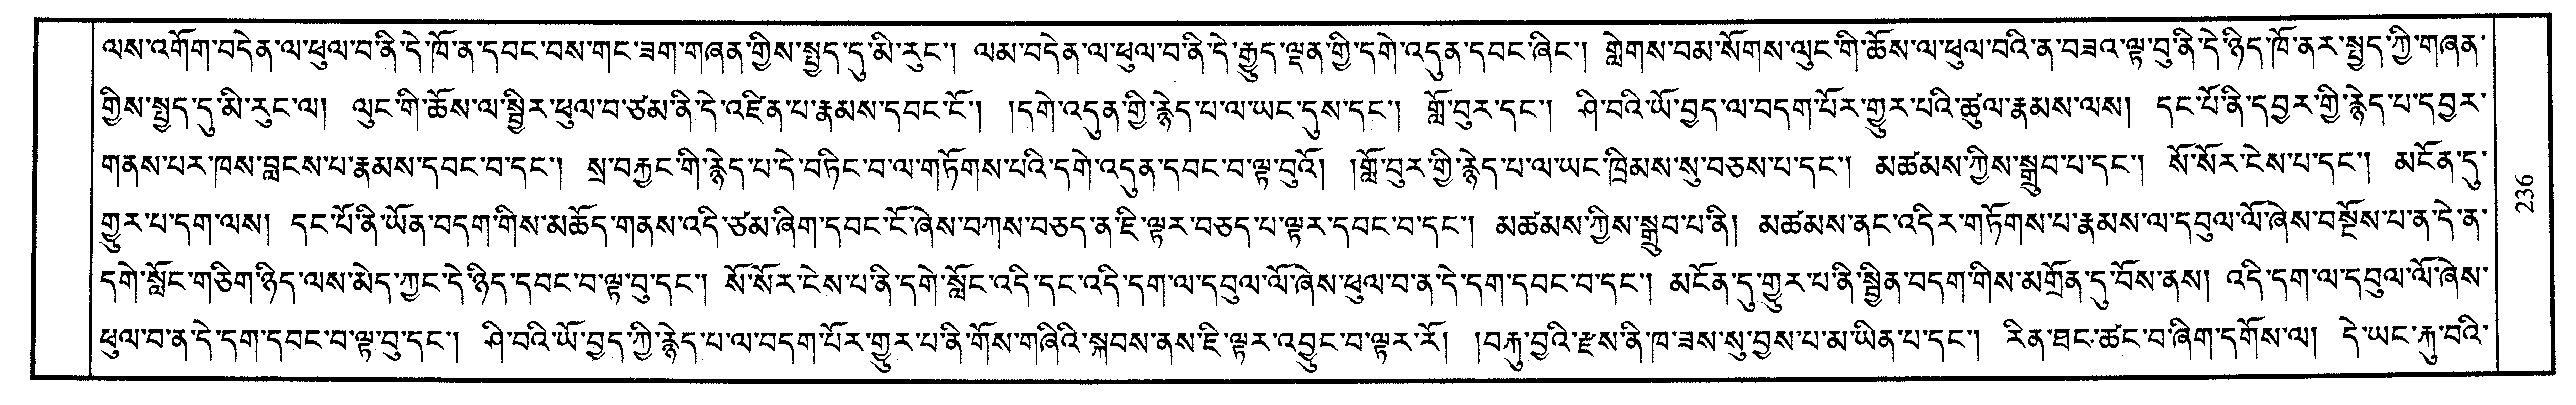ལས་འགོག་བདེན་ལ་ཕུལ་བ་ནི་དེ་ཁོ་ན་དབང་བས་གང་ཟག་གཞན་གྱིས་སྤྱད་དུ་མི་རུང་། ལམ་བདེན་ལ་ཕུལ་བ་ནི་དེ་རྒྱུད་ལྡན་གྱི་དགེ་འདུན་དབང་ཞིང་། གླེགས་བམ་སོགས་ལུང་གི་ཆོས་ལ་ཕུལ་བའི་ན་བཟའ་ལྟ་བུ་ནི་དེ་ཉིད་ཁོ་ནར་སྤྱད་ཀྱི་གཞན་
གྱིས་སྤྱད་དུ་མི་རུང་ལ། ལུང་གི་ཆོས་ལ་སྤྱིར་ཕུལ་བ་ཙམ་ནི་དེ་འཛིན་པ་རྣམས་དབང་ངོ། །དགེ་འདུན་གྱི་རྙེད་པ་ལ་ཡང་དུས་དང་། གློ་བུར་དང་། ཤི་བའི་ཡོ་བྱད་ལ་བདག་པོར་གྱུར་པའི་ཚུལ་རྣམས་ལས། དང་པོ་ནི་དབྱར་གྱི་རྙེད་པ་དབྱར་
གནས་པར་ཁས་བླངས་པ་རྣམས་དབང་བ་དང་། སྲ་བརྐྱང་གི་རྙེད་པ་དེ་བཏིང་བ་ལ་གཏོགས་པའི་དགེ་འདུན་དབང་བ་ལྟ་བུའོ། །གློ་བུར་གྱི་རྙེད་པ་ལ་ཡང་ཁྲིམས་སུ་བཅས་པ་དང་། མཚམས་ཀྱིས་སྒྲུབ་པ་དང་། སོ་སོར་ངེས་པ་དང་། མངོན་དུ་
གྱུར་པ་དག་ལས། དང་པོ་ནི་ཡོན་བདག་གིས་མཆོད་གནས་འདི་ཙམ་ཞིག་དབང་ངོ་ཞེས་བཀས་བཅད་ན་ཇི་ལྟར་བཅད་པ་ལྟར་དབང་བ་དང་། མཚམས་ཀྱིས་སྒྲུབ་པ་ནི། མཚམས་ནང་འདིར་གཏོགས་པ་རྣམས་ལ་དབུལ་ལོ་ཞེས་བསྔོས་པ་ན་དེ་ན་
དགེ་སློང་གཅིག་ཉིད་ལས་མེད་ཀྱང་དེ་ཉིད་དབང་བ་ལྟ་བུ་དང་། སོ་སོར་ངེས་པ་ནི་དགེ་སློང་འདི་དང་འདི་དག་ལ་དབུལ་ལོ་ཞེས་ཕུལ་བ་ན་དེ་དག་དབང་བ་དང་། མངོན་དུ་གྱུར་པ་ནི་སྦྱིན་བདག་གིས་མགྲོན་དུ་བོས་ནས། འདི་དག་ལ་དབུལ་ལོ་ཞེས་
ཕུལ་བ་ན་དེ་དག་དབང་བ་ལྟ་བུ་དང་། ཤི་བའི་ཡོ་བྱད་ཀྱི་རྙེད་པ་ལ་བདག་པོར་གྱུར་པ་ནི་གོས་གཞིའི་སྐབས་ནས་ཇི་ལྟར་འབྱུང་བ་ལྟར་རོ། །བརྐུ་བྱའི་རྫས་ནི་ཁ་ཟས་སུ་བྱས་པ་མ་ཡིན་པ་དང་། རིན་ཐང་ཚང་བ་ཞིག་དགོས་ལ། དེ་ཡང་རྐུ་བའི་